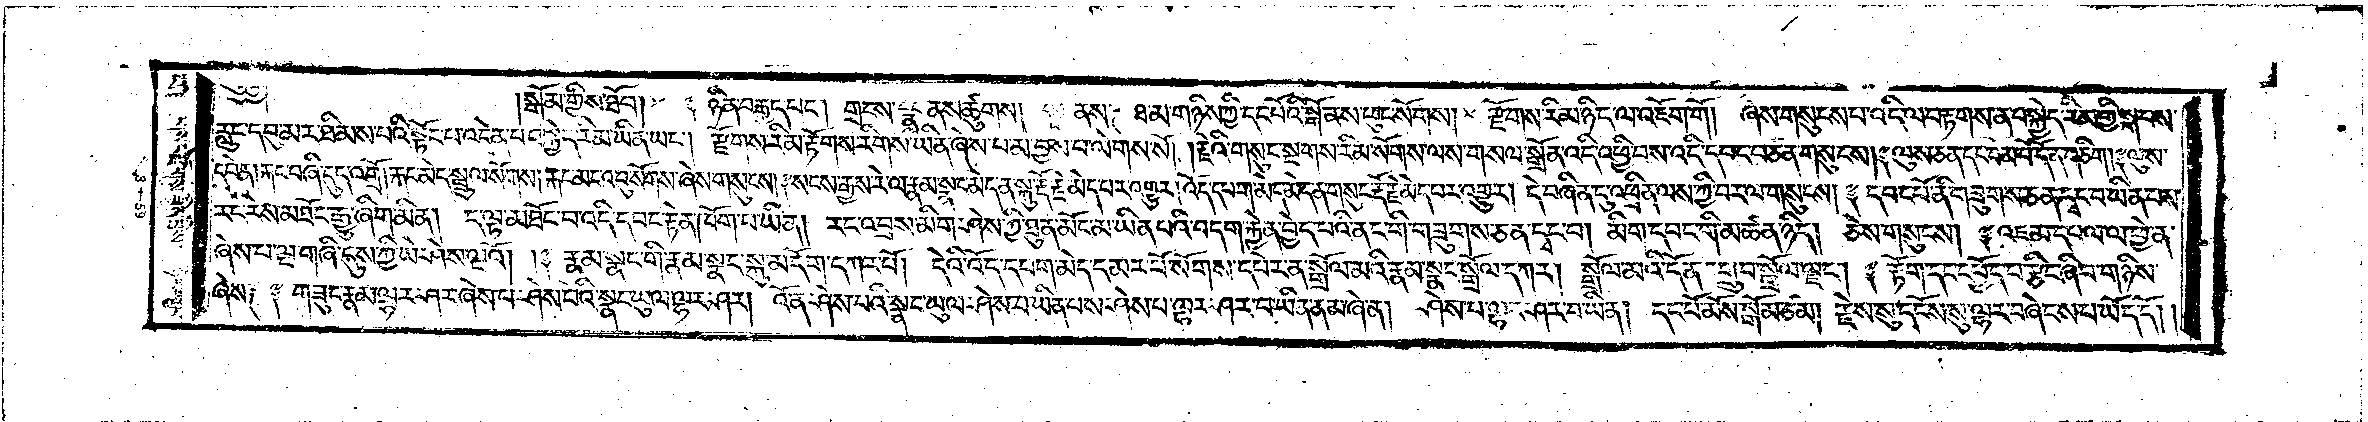༄༅། །སྒོམ་ཧིམ་ཐོབ། ྾་༈ ཉིན་བརྒྱད་པང་། གྲངས ༨༨ན༣་ནས་ཚུགས། ༨༦བ༥་ནས༑ ཐ་མ་གཉིས་ཀྱི་དང་པོའི་སྒོ་ནས་ཕུང་སོགས།྾་རྫོགས་རིམ་ཉིད་ལ་འཇོག་གོ། ཞེས་གསུངས་པ་འདི་ལ་བརྟགས་ན་བསྐྱེད་རིམ་གྱི་སྐབས་
རླུང་དབུ་མར་ཐིམས་པའི་སྟོང་པ་འདྲེན་པ་བསྐྱེད་རམ་ཡིན་ཡང་། རྫོགས་རིམ་རྟོགས་རིགས་ཡིན་ཞེས་པ་མ་བྱས་པ་ལེགས་སོ། །རྗེའི་གསུང་སྔགས་རིམ་སོགས་ལས་གསལ་སྒྲོན་འདི་འཕྱིབས་འདི་དབང་བཙན་གསུངས། ༈ ལུས་ཅན་དང་བེམ་པོ་དོན་གཅིག། ༈ ལུས་
དབེན། རྐང་བཞི་དུད་འགྲོ། རྐང་མེད་སྤྲུལ་སོགས། རྐང་མང་འབུ་སོགས་ཞེས་གསུངས། ༈ སངས་རྒྱས་རེ་ལ་རྣམ་སྣང་མེད་ན་སྐུ་རྡོ་རྗེ་མེད་པར་འགྱུར། འོད་དཔག་མེད་མེད་ན་གསུང་རྡོ་རྗེ་མེད་པར་འགྱུར། དེ་བཞིན་དུ་འཕྲིན་ལས་ཀྱི་བར་གསུངས། ༈ དབང་པོ་ནི་གཟུགས་ཅན་དྭང་བ་ཡིན་པས་
རང་རེས་མཐོང་རྒྱུ་ཞིག་མིན། ད་ལྟ་མཐོང་བ་འདི་དབང་རྟེན་ཁོག་པ་ཡིན། རང་འབྲས་མིག་ཤེས་ཀྱི་ཐུན་མོང་མ་ཡིན་པའི་བདག་རྐྱེན་བྱེད་པའི་ནང་གི་གཟུགས་ཅན་དྭང་བ། མིག་དབང་གི་མཚན་ཉིད། ཅེས་གསུངས། ༈ འཇམ་དཔལ་ལ་ཕྱེ་ན་
ཞེས་པ་ལྔ་གཞི་དུས་ཀྱི་ཡེ་ཤེས་ལྔའོ། །༈ རྣམ་སྣང་གི་རྣམ་སྣང་སྐུ་མདོག་དཀར་པོ། དེའི་འོད་དཔག་མེད་དམར་པོ་སོགས་དཔེར་ན་སྒྲོལ་མའི་རྣམ་སྣང་སྒྲོལ་དཀར། སྒྲོལ་མའི་དོན་གྲུབ་སྒྲོལ་ལྗང་། ༈ རྟོག་དང་དཔྱོད་པ་རྩིང་ཞི་བ་གཉིས་
ཞེས༑ ༈ གཟུང་རྣམ་ལྷར་ཤར་ཞེས་པ་ཤེས་པའི་སྣང་ཡུལ་ལྷར་ཤར། འོ་ན་ཤེས་པའི་སྣང་ཡུལ་ཤེས་པ་ཡིན་པས་ཤེས་པ་ལྷར་ཤར་བ་ཡིན་ནམ་ཞེ་ན། ཤེས་པ་ལྷའ་ཤར་བ་ཡིན། དང་པོ་མོས་སྒོམ་ཙམ། རྗེས་སུ་དངོས་སུ་ལྷར་བཞེངས་པ་ཡོད་དོ། །